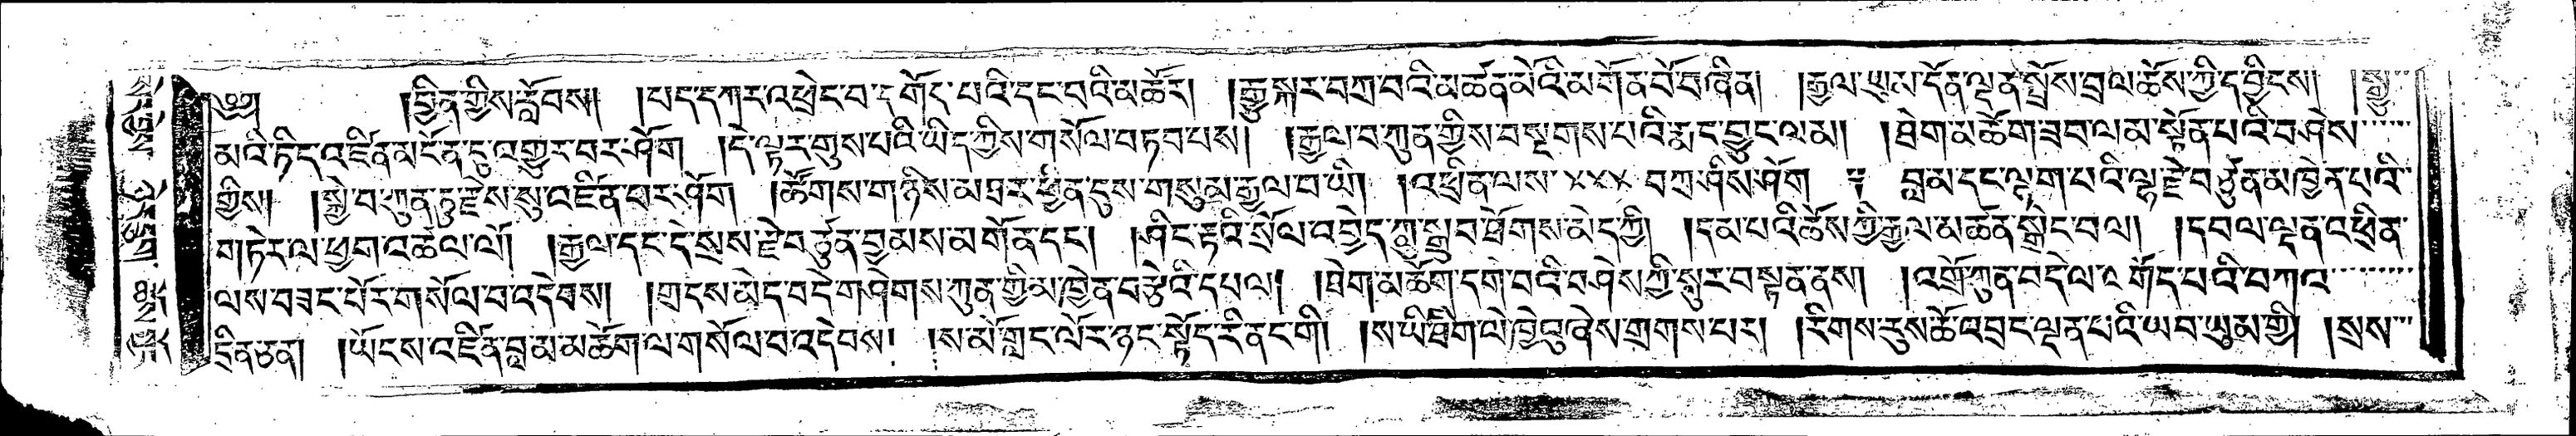༄༅། །བྱིན་གྱིས་རློབས། །པད་དཀར་འཕྲེང་བ་དགོད་པའི་དང་བའི་མཚོར། །རྒྱུ་སྐར་བཀྲ་བའི་མཚན་མོའི་མགོན་བོ་བཞིན། །རྒྱལ་ཡུམ་དོན་ལྡན་སྤྲོས་བྲལ་ཆོས་ཀྱི་དབྱིངས། །སྒྱུ་
མའི་ཏིང་འཛིན་མངོན་དུ་འགྱུར་བར་ཤོག །དེ་ལྟར་གུས་པའི་ཡིད་ཀྱིས་གསོལ་བཏབ་པས། །རྒྱལ་བ་ཀུན་གྱིས་བསྔགས་པའི་རྨད་བྱུང་ལམ། །ཐེག་མཆོག་ཟབ་ལམ་སྟོན་པའི་བཤེས་
གྱིས། །སྐྱེ་བ་ཀུན་ཏུ་རྗེས་སུ་འཛིན་པར་ཤོག །ཚོགས་གཉིས་མཐར་ཕྱིན་དུས་གསུམ་རྒྱལ་བ་ཡི། །འཕྲིན་ལས་{྾྾྾}་བཀྲ་ཤིས་ཤོག ༈ བླ་མ་དང་ལྷག་པའི་ལྷ་རྗེ་བཙུན་མཁྱེན་པའི་
གཏེར་ལ་ཕྱག་འཚལ་ལོ། །རྒྱལ་དང་དེ་སྲས་རྗེ་བཙུན་བྱམས་མགོན་དང་། །ཤིང་རྟའི་སྲོལ་འབྱེད་ཀླུ་སྒྲུབ་ཐོགས་མེད་ཀྱི། །དམ་པའི་ཆོས་ཀྱི་རྒྱལ་མཚན་སྒྲེང་བ་ལ། །དཔལ་ལྡན་འཕྲིན་
ལས་བཟང་པོར་གསོལ་བ་འདེབས། །གྲངས་མེད་བདེ་གཤེགས་ཀུན་གྱི་མཁྱེན་བརྩེའི་དཔལ། །ཐེག་མཆོག་དགེ་བའི་བཤེས་ཀྱི་སྐུར་བསྟན་ནས། །འགྲོ་ཀུན་བདེ་ལ་འགོད་པའི་བཀའ་
དྲིན་ཅན། །ཡོངས་འཛིན་བླ་མ་མཆོག་ལ་གསོལ་བ་འདེབས། །ས་མོ་གླང་ལོར་ཉང་སྟོད་རི་ནང་གི། །ས་ཡི་ཐིག་ལེ་ཁྱེའུ་ཞེས་གྲགས་པར། །རིགས་རུས་ཆོ་འབྲང་ལྡན་པའི་ཡབ་ཡུམ་གྱི། །སྲས་